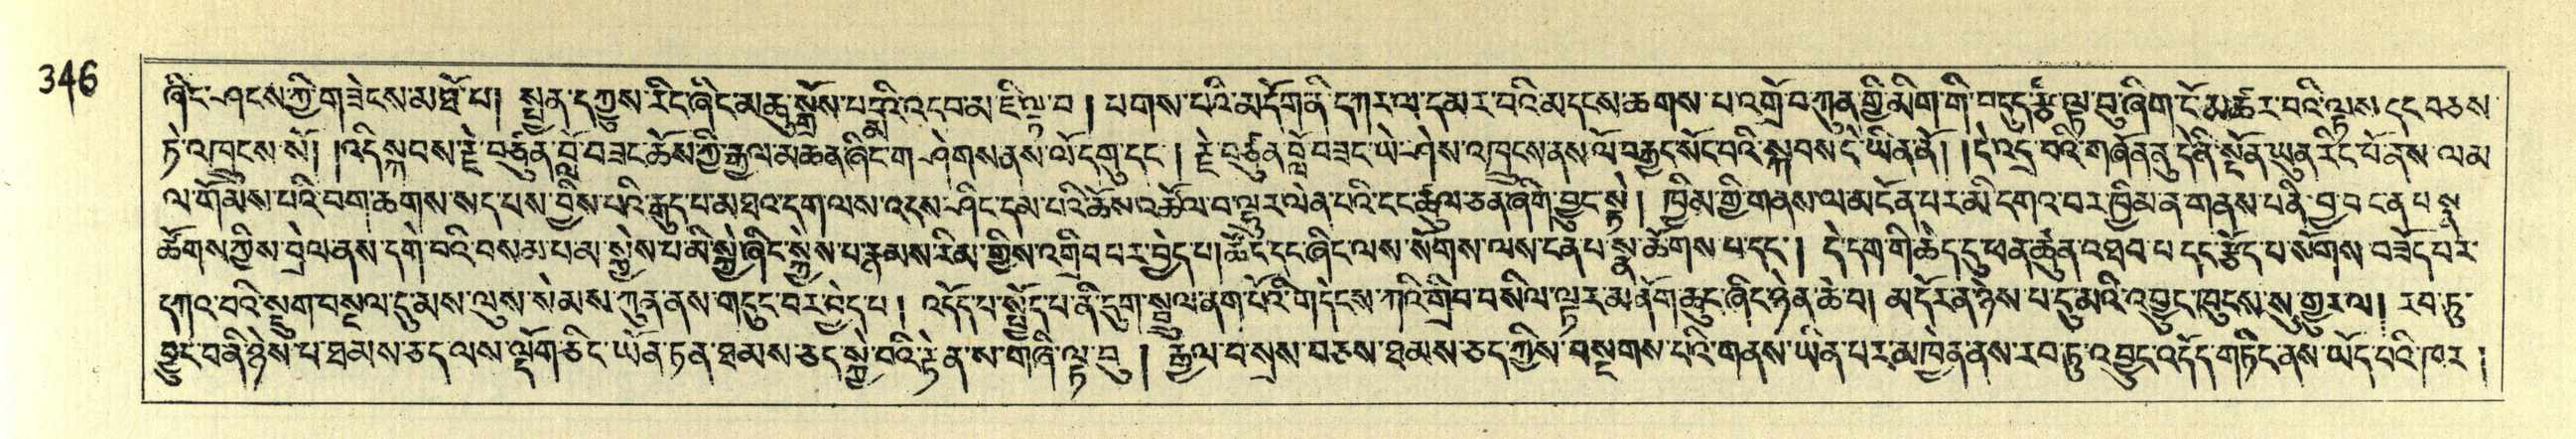ཞིང་ཤངས་ཀྱི་གཟེངས་མཐོ་པ། སྤྱན་དཀྱུས་རིང་ཞིང་མཆུ་སྒྲོས་པདམའི་འདབ་མ་ཇི་ལྟ་བ། པགས་པའི་མདོག་ནི་དཀར་ལ་དམར་བའི་མདངས་ཆགས་པ་འགྲོ་བ་ཀུན་གྱི་མིག་གི་བདུད་རྩི་ལྟ་བུ་ཞིག་ངོ་མཚར་བའི་ལྟས་དང་བཅས་
ཏེ་འཁྲུངས་སོ། །འདི་སྐབས་རྗེ་བཙུན་བློ་བཟང་ཆོས་ཀྱི་རྒྱལ་མཚན་ཞིང་གཤེགས་ནས་ལོ་དགུ་དང་། རྗེ་བཙུན་བློ་བཟང་ཡེ་ཤེས་འཁྲུངས་ནས་ལོ་བརྒྱད་སོང་བའི་སྐབས་དེ་ཡིན་ནོ། །དེ་འདྲ་བའི་གཞོན་ནུ་དེ་ནི་སྔོན་ཡུན་རིང་པོ་ནས་ལམ་
ལ་གོམས་པའི་བག་ཆགས་སད་པས་བྱིས་པའི་རྒུད་པ་མཐའ་དག་ལས་འདས་ཤིང་དམ་པའི་ཆོས་འཚོལ་བ་ལྷུར་ལེན་པའི་ངང་ཚུལ་ཅན་ཞིག་བྱུང་སྟེ། ཁྱིམ་གྱི་གནས་ལ་མངོན་པར་མི་དགའ་བར་ཁྱིམ་ན་གནས་པ་ནི་བྱ་བ་ངན་པ་སྣ་
ཚོགས་ཀྱིས་བྲེལ་ནས་དགེ་བའི་བསམ་པ་མ་སྐྱེས་པ་མི་སྐྱེ་ཞིང་སྐྱེས་པ་རྣམས་རིམ་གྱིས་འགྲིབ་པར་བྱེད་པ། ཚོང་དང་ཞིང་ལས་སོགས་ལས་ངན་པ་སྣ་ཚོགས་པ་དང་། དེ་དག་གི་ཆེད་དུ་ཕན་ཚུན་འཐབ་པ་དང་རྩོད་པ་སོགས་བཟོད་པར་
དཀའ་བའི་སྡུག་བསྔལ་དུ་མས་ལུས་སེམས་ཀུན་ནས་གདུང་བར་བྱེད་པ། འདོད་པ་སྤྱོད་པ་ནི་དུག་སྦྲུལ་ནག་པོའི་གདེངས་ཀའི་གྲིབ་བསིལ་ལྟར་མནོག་ཆུང་ཞིང་ཉེན་ཆེ་བ། མདོར་ན་ཉེས་པ་དུ་མའི་འབྱུང་ཁུངས་སུ་གྱུར་ལ། རབ་ཏུ་
བྱུང་བ་ནི་ཉེས་པ་ཐམས་ཅད་ལས་ལྡོག་ཅིང་ཡོན་ཏན་ཐམས་ཅད་སྐྱེ་བའི་རྟེན་ས་གཞི་ལྟ་བུ། རྒྱལ་བ་སྲས་བཅས་ཐམས་ཅད་ཀྱིས་བསྔགས་པའི་གནས་ཡིན་པར་མཁྱེན་ནས་རབ་ཏུ་འབྱུང་འདོད་གཏིང་ནས་ཡོད་པའི་ཁར།